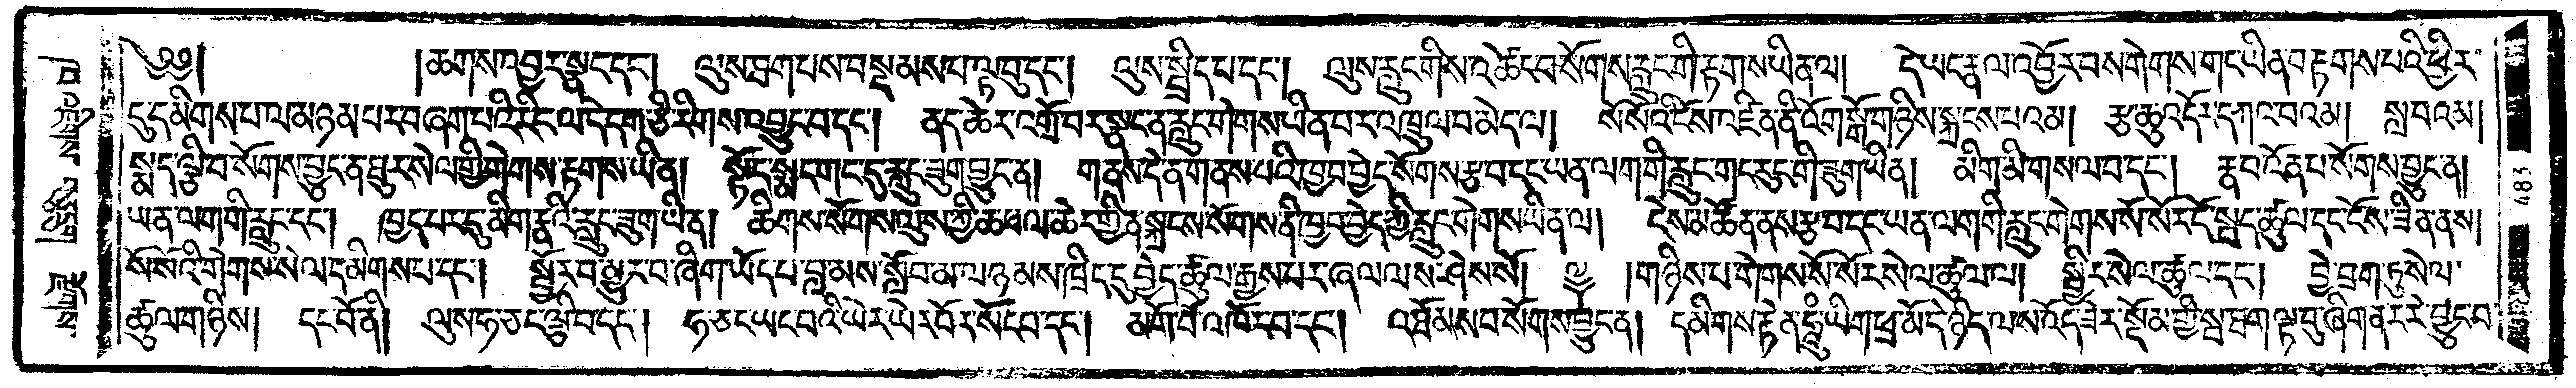༄༅། །ཆགས་འབྱར་སྣང་དང་། ལུས་ཐག་པས་བསྡམས་པ་ལྟ་བུ་དང་། ལུས་སྦྲིད་པ་དང་། ལུས་རླུང་གིས་འཚེང་བ་སོགས་རླུང་གི་རྟགས་ཡིན་ལ། དེ་ཡང་རྣལ་འབྱོར་བས་གེགས་གང་ཡིན་བརྟགས་པའི་ཕྱིར་
དུ་དམིགས་པ་ལ་མཉམ་པར་བཞག་པའི་རིང་ལ་དེ་དག་ཅི་རིགས་འབྱུང་བ་དང་། ནད་ཆེར་འགྲོ་བར་སྣང་ན་རླུང་གེགས་ཡིན་བར་འཁྲུལ་བ་མེད་ལ། སོ་སོའི་ངོས་འཛིན་ནི་འོག་སྒོ་གཉིས་སྐྲངས་པའམ། རྩ་ཆུ་འདོར་དཀའ་བའམ། སླ་བའམ།
སྨད་ལྕི་བ་སོགས་བྱུང་ན་ཐུར་སེལ་གྱི་གེགས་རྟགས་ཡིན། སྟོང་སྨད་གང་དུ་རླུང་ཟུག་བྱུང་ན། གནས་དེ་ན་གནས་པའི་ཁྱབ་བྱེད་སོགས་རྩ་བ་དང་ཡན་ལག་གི་རླུང་གང་རུང་གི་ཟུག་ཡིན། མིག་མི་གསལ་བ་དང་། རྣ་བ་འོན་པ་སོགས་བྱུང་ན།
ཡན་ལག་གི་རླུང་དང་། ཁྱད་པར་དུ་མིག་རྣའི་ཟླུང་ཟུག་ཡིན། ཚིགས་སོགས་ལུས་ཀྱི་ཆ་ཕལ་ཆེར་གྱི་ན་སྐྲངས་སོགས་ནི་ཁྱབ་བྱེད་ཀྱི་རླུང་གེགས་ཡིན་ལ། ངེས་མཚོན་ནས་རྩ་བ་དང་ཡན་ལག་གི་རླུང་གེགས་སོ་སོར་ངོ་སྦད་ཚུལ་དང་ངོས་ཟིན་ནས།
སོ་སོའི་གེགས་སེལ་དམིགས་པ་དང་། སྦྱོར་བ་མྱུར་བ་ཞིག་ཡོད་པ་བླ་མས་སློབ་མ་ལ་ཉམས་ཁྲིད་དུ་བྱེད་ཚུལ་རྒྱས་པར་ཞལ་ལས་ཤེས་སོ། ༈ །གཉིས་པ་གེགས་སོ་སོར་སེལ་ཚུལ་ལ། སྦྱིར་སེལ་ཚུལ་དང་། བྱེ་བྲག་ཏུ་སེལ་
ཚུལ་གཉིས། དང་པོ་ནི། ལུས་ཧ་ཅང་ལྕི་བ་དང་། ཧ་ཅང་ཡང་བའི་ཡེར་ཡེར་བོར་སོང་བ་དང་། མགོ་བོ་འཁོར་བ་དང་། འཐོམས་པ་སོགས་བྱུང་ན། དམིགས་རྟེན་ཧཱུཾ་ཡིག་ཕྲ་མོ་དེ་ཉིད་ལས་འོད་ཟེར་སྡོམ་གྱི་སྦ་ཐག་ལྟ་བུ་ཞིག་ནར་རེ་བྱུང་བ་